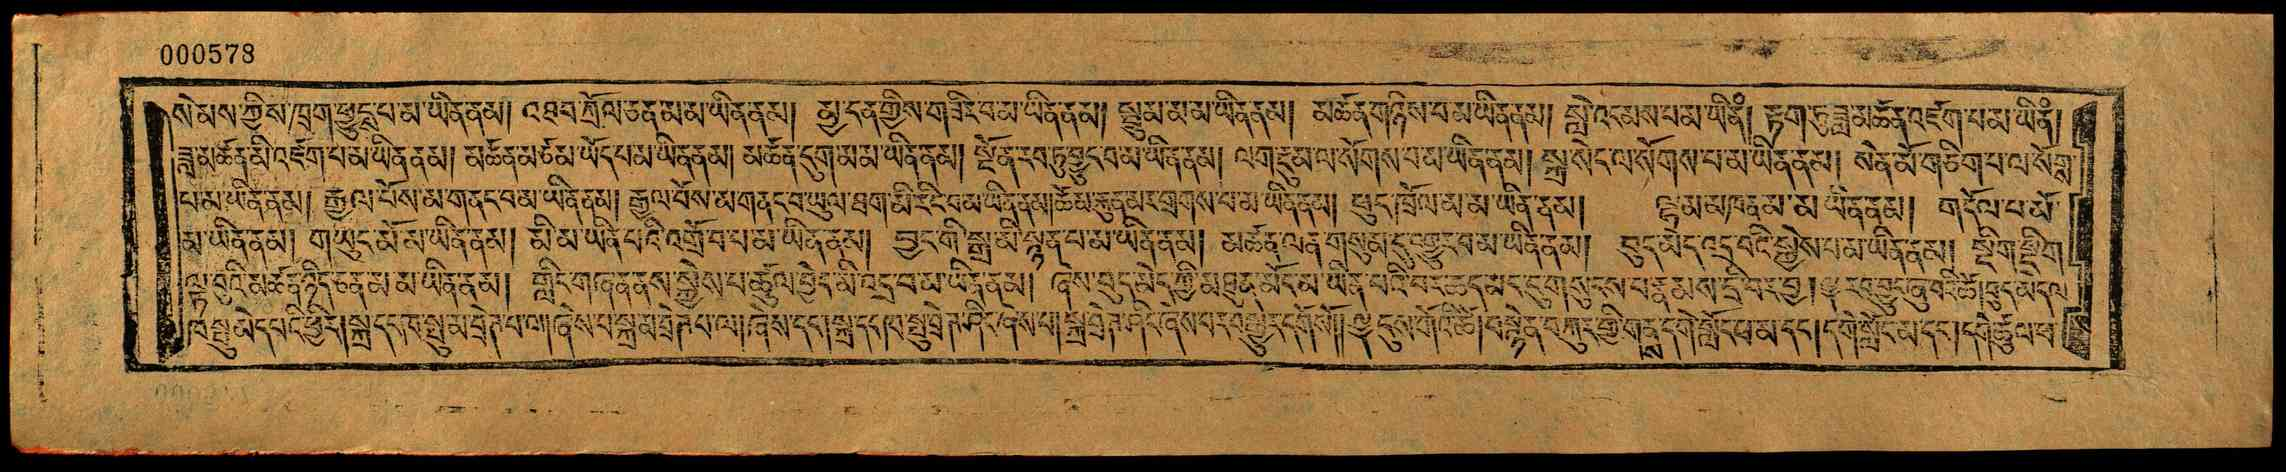སེམས་ཀྱིས་ཁྲག་ཕྱུངས་པ་མ་ཡིན་ནམ། འཐབ་གྲོལ་ཅན་མམ་ཡིན་ནམ། མྱ་ངན་གྱིས་གཟིར་བ་མ་ཡིན་ནམ། སྦྲུ་མ་མ་མ་ཡིན་ནམ། མཚན་གཉིས་པ་མ་ཡིན་ནམ། སྤེ་འདམས་པ་མ་ཡིན་ནམ། རྟག་ཏུ་ཟླ་མཚན་འཛག་པ་མ་ཡིན་ནམ།
ཟླ་མཚན་མི་འཛག་པ་མ་ཡིན་ནམ། མཚན་མ་ཙམ་ཡོད་པ་མ་ཡིན་ནམ། མཚན་དུག་མ་མ་ཡིན་ནམ། སྔོན་རབ་ཏུ་བྱུང་བ་མ་ཡིན་ནམ། ལག་རྡུམ་ལ་སོགས་པ་མ་ཡིན་ནམ། སྐྲ་སེར་ལ་སོགས་པ་མ་ཡིན་ནམ། སེན་མོ་གཅིག་པ་ལ་སོགས་
པ་མ་ཡིན་ནམ། རྒྱལ་པོས་མ་གནང་བ་མ་ཡིན་ནམ། རྒྱལ་པོས་མ་གནང་བ་ཡུལ་ཐག་མི་རིང་བ་མ་ཡིན་ནམ། ཆོམ་རྐུན་མར་གྲགས་པ་མ་ཡིན་ནམ། ཕུང་ཁྲོལ་མ་མ་ཡིན་ནམ། །ལྷ་མ་མཁན་མ་མ་ཡིན་ནམ། གདོལ་པ་མོ་
མ་ཡིན་ནམ། །གཡུང་མོ་མ་ཡིན་ནམ། མི་མ་ཡིན་པའི་འགྲོ་བ་པ་མ་ཡིན་ནམ། བྱང་གི་སྒྲ་མི་སྙན་པ་མ་ཡིན་ནམ། མཚན་ལན་གསུམ་དུ་འགྱུར་བ་མ་ཡིན་ནམ། བུད་མེད་འདྲ་བའི་སྐྱེས་པ་མ་ཡིན་ནམ། སྔག་?་སྡིག་
ལྟ་བུའི་མཚན་ཉིད་ཅན་མ་མ་ཡིན་ནམ། གླིང་གཞན་ནས་སྐྱེས་པ་ཚུལ་བྱང་མི་འདྲ་བ་མ་ཡིན་ནམ། ཞེས་བུད་མེད་ཀྱི་མཐུན་མོང་མ་ཡིན་པའི་བར་ཆད་མང་དུ་གསུངས་པ་རྣམས་དྲི་བར་བྱ། ༈ རབ་བྱུང་ཞུ་བའི་ཚེ། བུད་མེད་ལ་
ཁ་སྤུ་མེད་པའི་ཕྱིར། སྐྲ་དང་ཁ་སྤུ་མ་བྲེཌ་པ་ལས། ཞེས་པ་སྐྲ་མ་བྲེཌ་པ་ལས། ཞེས་དང་། སྐྲ་དང་ཁ་སྤུ་བྲེཌ་ཤིང་ཞེས་པ། སྐྲ་བྲེཌ་ཤིང་ཞེས་པར་བསྒྱུར་དགོས།། ༈ དུམ་གོའི་ཚེ། བསྙེན་བཀུར་གྱི་གནས་དགེ་སློང་མ་དང་། དགེ་སློང་མ་དང་། དགེ་ཚུལ་ཕ་